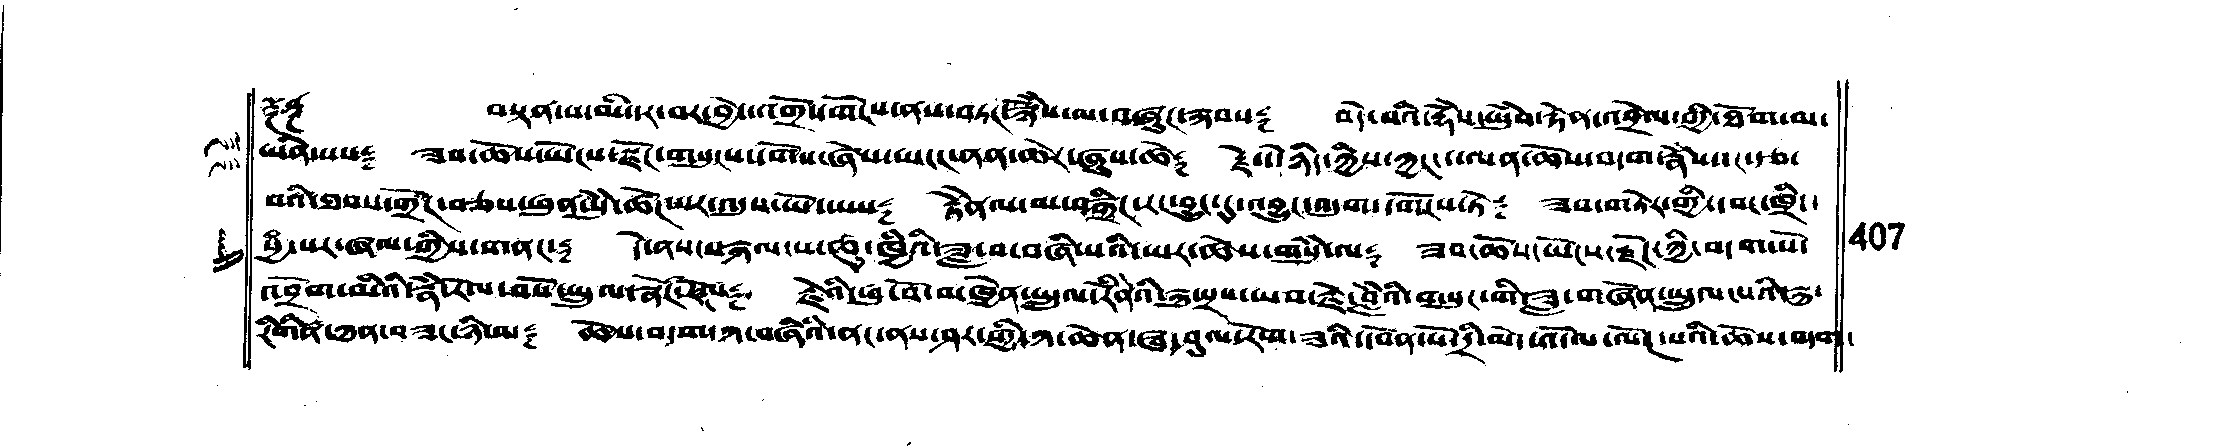བསྟན་པ་མི་དར་བར་བྱེད་འགྲོ་དགོངས་ནས་བཏང་སྙོམས་ལ་བཞུགས་སྐབས། བདེ་བའི་རྡོ་རྗེས་ཡབ་ཡུམ་རྟེན་འབྲེལ་གྱི་ཐོག་མ་
ཡིན་པས། ཟབ་ཆོས་ཡོངས་རྫོགས་གསུངས་དགོས་ཞེས་ཡང་ཡང་ནན་ཆེར་ཞུས་ཚེ། རྗེ་དེ་ཉིད་ཀྱིས་ཀྱང་ད་ལན་ཆོས་བདག་རྣམས་དང་རྩ་
བའི་ཐབས་གྲོགས་བཅས་ཕུན་སུམ་ཚོགས་པར་འདུས་ཡོད་པས། རྟེན་འབྲེལ་མ་བསྒྲིགས་རང་བྱུང་དུ་འབྱུང་འདུག་དགོངས་ཏེ། ཟབ་གཏེར་གྱི་དབང་ཁྲིད་
གསུང་པར་ཞལ་གྱིས་གནང་། དེ་ནས་བསྐལ་པ་ཆུ་ཁྱིའི་ཟླ་བ་བཞི་པའི་ཡར་ཚེས་གསུམ་ལ། ཟབ་ཆོས་ཡོངས་རྫོགས་ཀྱི་བདག་པོ་
འབྲོག་མིའི་རྣམ་རོལ་བསོ་སྤྲུལ་སྣ་ཚོགས་རང་གྲོལ། རྗེའི་ཕུ་བོ་མཁྱེན་སྤྲུལ་རིན་པོ་ཆེའི་སྐུ་སྲས་ཡབ་རྗེ་བླ་མའི་གསུང་གི་ཟླ་གཞོན་སྤྲུལ་པའི་སྐུ་
རིག་འཛིན་ཀུན་བཟང་ཉི་མ། ཆོས་བདག་ཀ་བཞིའི་ནང་ནས་ཤར་གྱི་ཀ་ཆེན་ཝ་ཤུལ་རོག་ཟའི་དབོན་པོ་དྲི་མེད་འོད་གསལ་ལ་སོགས་པའི་ཆོས་བདག་